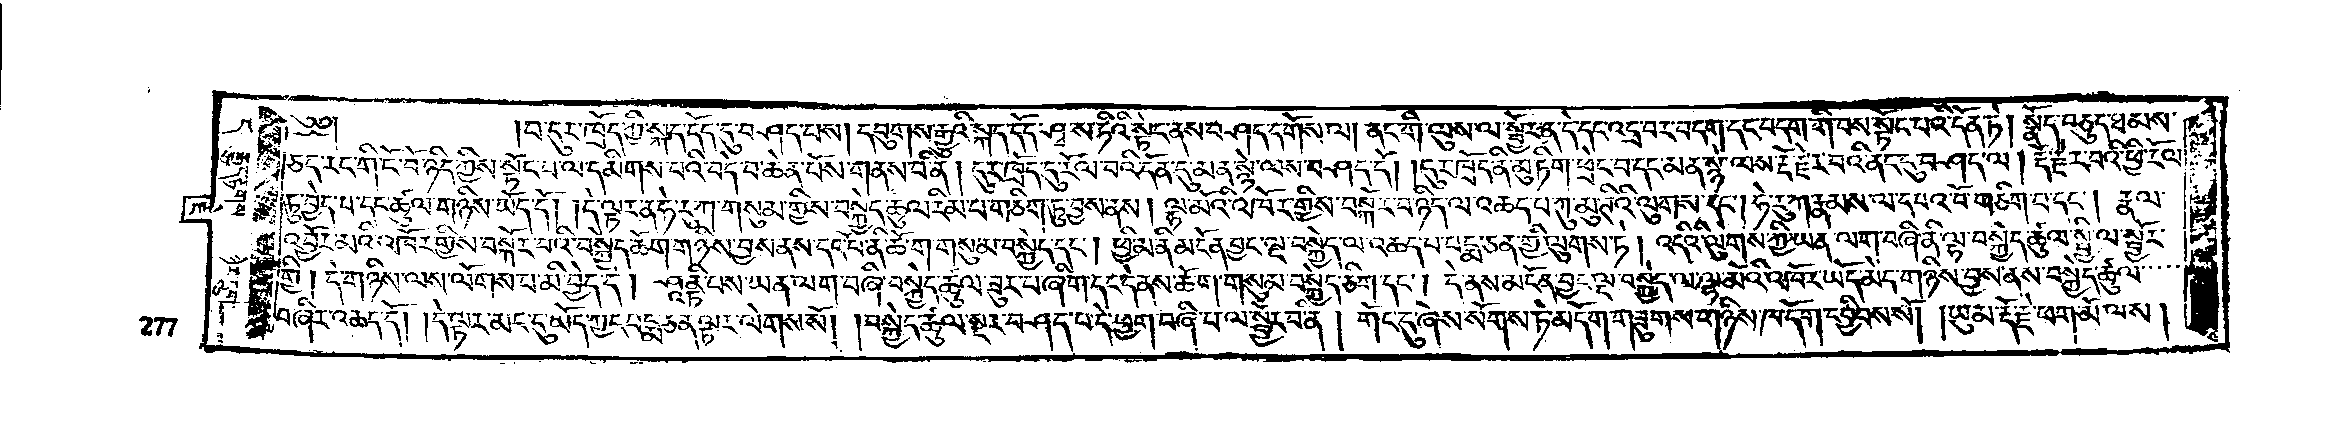༄༅། །བ་དུར་ཁྲོད་ཀྱི་སྐད་དོད་དུ་བཤད་པས། དབུགས་རྒྱུའི་སྐད་དོད་ཤྭ་ས་ཏིའི་སྟེང་ནས་བཤད་དགོས་ལ། ནང་གི་ལུས་ལ་སྦྱོར་ན་དེ་དང་འདྲ་བར་བདག་དང་བདག་གི་བས་སྟོང་པའི་དོན་ཏེ། སྣོད་བཅུད་ཐམས་
ཅད་རང་གི་ངོ་བོ་ཉིད་ཀྱིས་སྟོང་པ་ལ་དམིགས་པའི་བདེ་བ་ཆེན་པོས་གནས་པ་ནི། དུར་ཁྲོད་དུ་རོལ་བའི་དོན་དུ་མན་སྙེ་ལས་བཤད་དོ། །དུར་ཁྲོད་ནི་མུ་ཏིག་ཕྲེང་བ་དང་མན་སྙེ་ལས་རྡོ་རྗེར་བའི་ནང་དུ་བཤད་ལ། རྡོ་རྗེར་བའི་ཕྱི་རོལ་
ཏུ་བྱེད་པ་དང་ཚུལ་གཉིས་ཡོད་དོ། །དེ་ལྟར་ན་ཧེ་རུ་ཀ་གསུམ་གྱིས་བསྐྱེད་ཚུལ་རིམ་པ་གཅིག་ཏུ་བྱས་ནས། ལྷ་མོའི་འཁོར་གྱིས་བསྐོར་བ་ཉིད་ལ་འཆད་པ་ཀུ་མུ་ཊིའི་ལུགས་དང་། ཧེ་རུ་ཀ་རྣམས་ལ་དཔའ་བོ་གཅིག་པ་དང་། རྣལ་
འབྱོར་མའི་འཁོར་གྱིས་བསྐོར་བའི་བསྐྱེད་ཆོག་གཉིས་བྱས་ནས་དང་པོ་ནི་ཆོ་ག་གསུམ་བསྐྱེད་དང་། ཕྱི་མ་ནི་མངོན་བྱང་ལྔ་བསྐྱེད་ལ་འཆད་པ་པདམ་ཅན་གྱི་ལུགས་ཏེ། འདིའི་ལུགས་ཀྱི་ཡན་ལག་བཞི་ནི་ལྷ་བསྐྱེད་ཚུལ་སྤྱི་ལ་སྦྱོར་
གྱི། དེ་གཉིས་ལས་ལོགས་པ་མི་བྱེད་དེ། ཤཱནྟི་པས་ཡན་ལག་བཞི་བསྐྱེད་ཚུལ་ཟུར་པ་ཞིག་དང་དེ་ནས་ཆོ་ག་གསུམ་བསྐྱེད་ཅིག་དང་། དེ་ནས་མངོན་བྱང་ལྔ་བསྐྱེད་ལ་ལྷ་མོའི་འཁོར་ཡོད་མེད་གཉིས་བྱས་ནས་བསྐྱེད་ཚུལ་
བཞིར་འཆད་དོ། །དེ་ལྟར་མང་དུ་ཡོད་ཀྱང་པདམ་ཅན་ལྟར་ལེགས་སོ། །བསྐྱེད་ཚུལ་སྔར་བཤད་པ་དེ་ཕྱག་བཞི་པ་ལ་སྦྱོར་བ་ནི། གོང་དུ་ཞེས་སོགས་ཏེ་མདོག་གཟུགས་གཉིས་ཁ་དོག་དབྱིབས་སོ། །ཡུམ་རྡོ་རྗེ་ཕག་མོ་ལས།